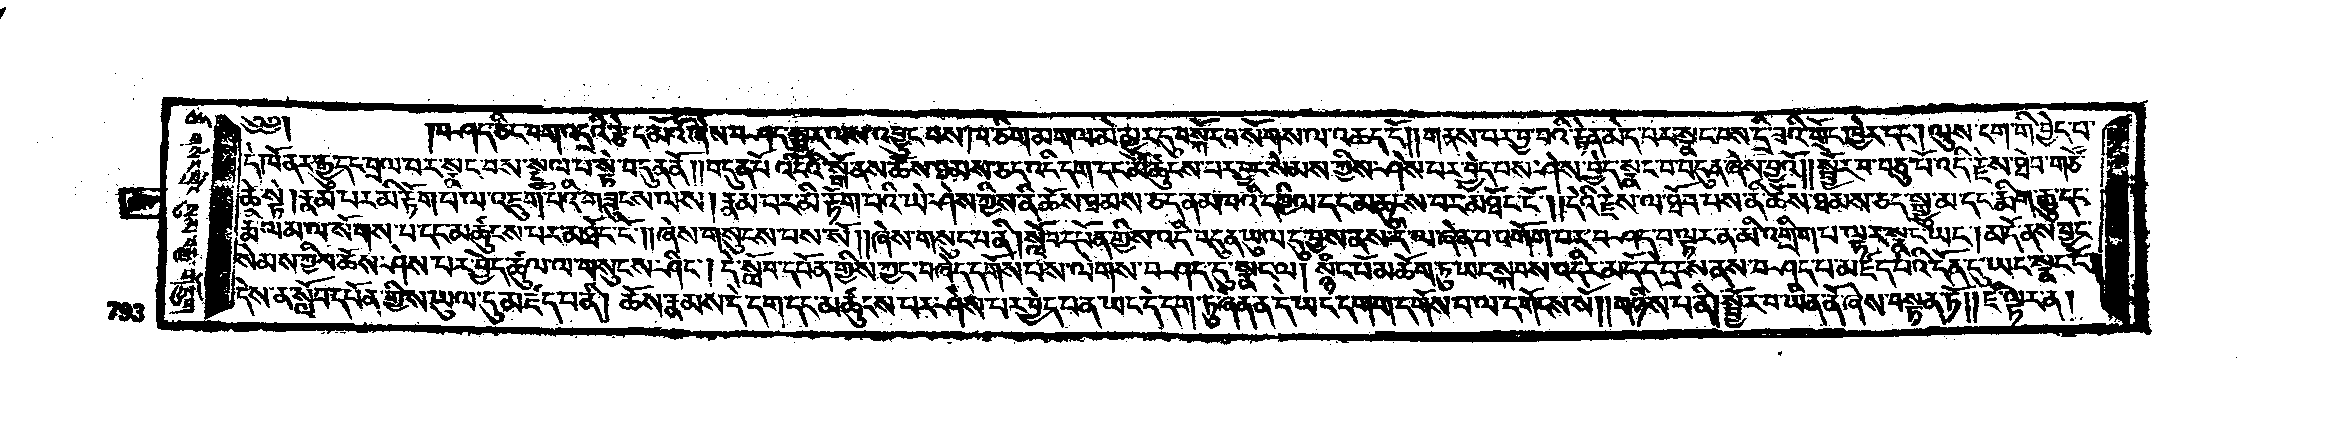༄༅། །བཤད་ཅིང་བག་འདྲའི་རྩེད་མོའི་ཞེས་བཤད་སྦྱར་ལས་འབྱུང་བས་ཁ་ཅིག་མགལ་མེ་མྱུར་དུ་བསྐོར་བ་སོགས་ལ་འཆད་དོ། །གནས་པར་བྱ་བའི་རྟེན་མེད་པར་སྣང་བས་དྲི་ཟའི་གྲོང་ཁྱེར་དང་། ལུས་ངག་གི་བྱེད་པ་
དེ་ཁོ་ནར་རྒྱུ་དང་བྲལ་བར་སྣང་བས་སྤྲུལ་པ་སྟེ་བདུན་ནོ། །བདུན་པོ་འདིའི་སྒོ་ནས་ཆོས་ཐམས་ཅད་འདི་དག་དང་མཚུངས་པར་བྱང་སེམས་ཀྱིས་ཤེས་པར་བྱེད་པས་ཤེས་བྱེད་སྣང་བ་བདུན་ཞེས་བྱའོ། །སྦྱོར་བ་བཅུ་པོ་འདི་རྗེས་ཐོབ་གཙོ་
ཚེ་སྟེ། རྣམ་པར་མི་རྟོག་པ་ལ་འཇུག་པའི་གཟུངས་ལས། རྣམ་པར་མི་རྟོག་པའི་ཡེ་ཤེས་ཀྱིས་ནི་ཆོས་ཐམས་ཅད་ནམ་མཁའི་དཀྱིལ་དང་མཚུངས་པར་མཐོང་ངོ། །དེའི་རྗེས་ལ་ཐོབ་པས་ནི་ཆོས་ཐམས་ཅད་སྒྱུ་མ་དང་རྨི་རྒྱུ་དང་
རྨི་ལམ་ལ་སོགས་པ་དང་མཚུངས་པར་མཐོང་ངོ། །ཞེས་གསུངས་པས་སོ། །ཞེས་གསུང་པ་ནི། སློབ་དཔོན་གྱིས་འདི་བདུན་ཡུལ་དུ་བྱས་ནས་དེ་ལ་ཞེན་པ་འགོག་པར་བཤད་པ་ལྟར་ན་མི་འགྲིག་པ་ལྟར་སྣང་ཡང་། མདོ་ནས་བྱང་
སེམས་ཀྱིས་ཆོས་ཤེས་པར་བྱེད་ཚུལ་ལ་གསུངས་ཤིང་། དེ་སློབ་དཔོན་གྱིས་ཀྱང་བཞེད་དགོས་པས་ལེགས་བཤད་དུ་སྣང་ལ། སྙིང་པོ་མཆོག་ཏུ་ཡང་སྐབས་འདིར་མདོ་དེ་དྲངས་ནས་བཤད་པ་མཛད་པའི་དོན་དུ་ཡང་སྣང་ངོ། །
དེས་ན་སློབ་དཔོན་གྱིས་ཡུལ་དུ་མཛད་པ་ནི། ཆོས་རྣམས་དེ་དག་དང་མཚུངས་པར་ཤེས་པར་བྱེད་པ་ན་ཡང་དེ་དག་ཏུ་ཞེན་ན་དེ་ཡང་དགག་དགོས་པ་ལ་དགོངས་སོ། །གཉིས་པ་ནི། སྦྱོར་བ་ཡིན་ནོ་ཞེས་བསྟན་ཏེ། །ཇི་ལྟར་ན།